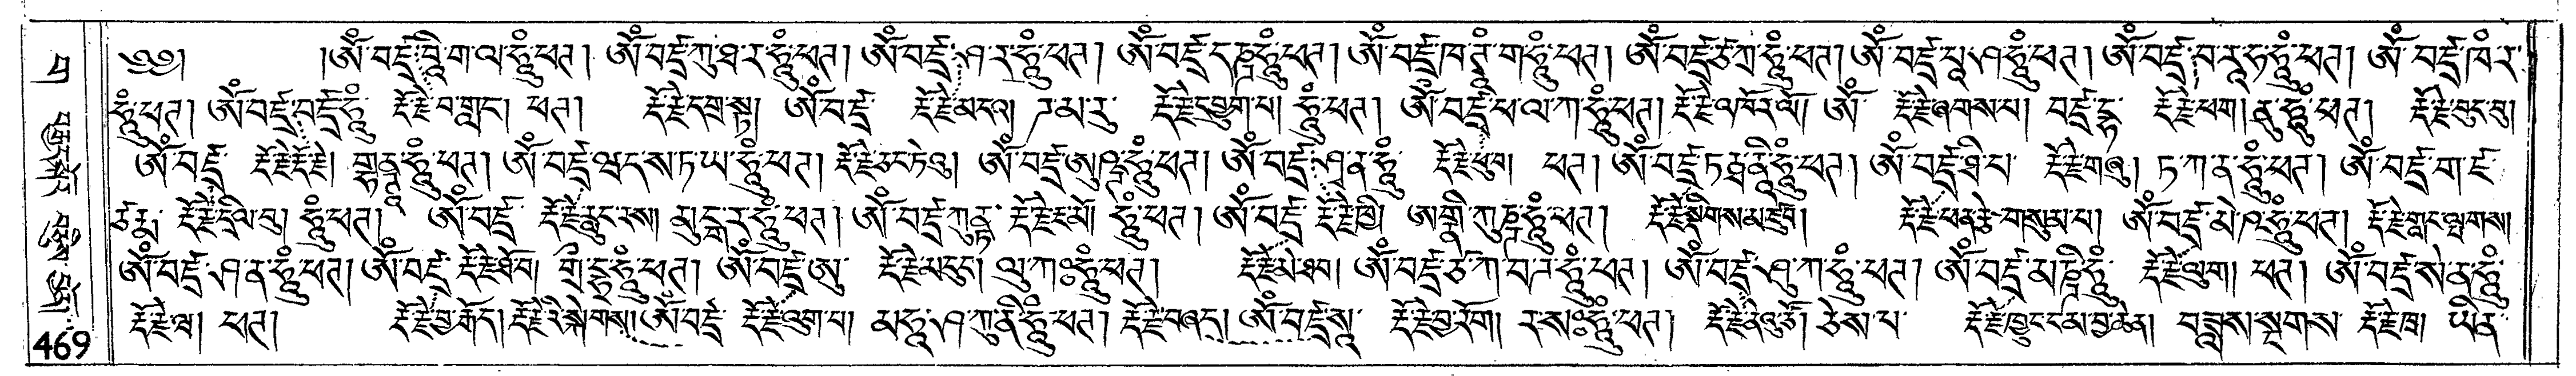༄༅། །ཨོཾ་བཛྲ་བཱི་ག་ལ་ཧཱུཾ་ཕཊ། ཨོཾ་བཛྲ་ཀུ་ཐ་ར་ཧཱུཾ་ཕཊ། ཨོཾ་བཛྲ་ཤ་ར་ཧཱུཾ་ཕཊ། ཨོཾ་བཛྲ་དཎྜ་ཧཱུཾ་ཕཊ། ཨོཾ་བཛྲ་ཁ་ཊྭཱཾ་ག་ཧཱུཾ་ཕཊ། ཨོཾ་བཛྲ་ཙ་ཀྲ་ཧཱུཾ་ཕཊ། ཨོཾ་བཛྲ་པཱ་ཤ་ཧཱུཾ་ཕཊ། ཨོཾ་བཛྲ་བ་རཱ་ཧ་ཧཱུཾ་ཕཊ། ཨོཾ་བཛྲ་ཁཾ་ར་
ཧཱུཾ་ཕཊ། ཨོཾ་བཛྲ་བཛྲ་ཧཱུཾ་རྡོ་རྗེ་བ་གླང་། ཕཊ། རྡོ་རྗེ་དགྲ་སྟ། ཨོཾ་བཛྲ་རྡོ་རྗེ་མདའ།  ཌ་མ་རུ་རྡོ་རྗེ་དབྱུག་པ།  ཧཱུཾ་ཕཊ། ཨོཾ་བཛྲ་ཕ་ལ་ཀ་ཧཱུཾ་ཕཊ། རྡོ་རྗེ་འཁོར་ལོ།  ཨོཾ་རྡོ་རྗེ་ཞགས་པ།  བཛྲ་དྷ་རྡོ་རྗེ་ཕག་།ནུ་ཧཱུཾ་ཕཊ། རྡོ་རྗེ་བུང་བུ།
ཨོཾ་བཛྲ་རྡོ་རྗེ་རྡོ་རྗེ།  གྷནྚཱ་ཧཱུཾ་ཕཊ། ཨོཾ་བཛྲ་ཝད་ས་ཏ་ཡ་ཧཱུཾ་ཕཊ། རྡོ་རྗེ་ཅང་ཏེའུ།  ཨོཾ་བཛྲ་ཨུཥྚ་ཧཱུཾ་ཕཊ། ཨོཾ་བཛྲ་ཤྭ་ན་ཧཱུཾ་རྡོ་རྗེ་ཕུ་བ།  ཕཊ། ཨོཾ་བཛྲ་ཏ་རྠ་ནཱི་ཧཱུཾ་ཕཊ། ཨོཾ་བཛྲ་ཐི་པ་རྡོ་རྗེ་གཞུ།  ཏ་ཀ་ན་ཧཱུཾ་ཕཊ། ཨོཾ་བཛྲ་ག་ཛ་
ཙརྨ་རྡོ་རྗེ་དྲིལ་བུ།  ཧཱུཾ་ཕཊ། ཨོཾ་བཛྲ་རྡོ་རྗེ་རླུང་རས།  མུངྒ་ར་ཧཱུཾ་ཕཊ། ཨོཾ་བཛྲ་ཀུནྟ་རྡོ་རྗེ་རྔ་མོ།  ཧཱུཾ་ཕཊ། ཨོཾ་བཛྲ་རྡོ་རྗེ་ཁྱི།  ཨགནི་ཀུཎྜ་ཧཱུཾ་ཕཊ། རྡོ་རྗེ་སྡིགས་མཛུབ། རྡོ་རྗེ་ཕན་རྩེ་གསུམ་པ།  ཨོཾ་བཛྲ་མེ་ཥ་ཧཱུཾ་ཕཊ། རྡོ་རྗེ་གླང་ལྤགས།
ཨོཾ་བཛྲ་ཤ་ན་ཧཱུཾ་ཕཊ། ཨོཾ་བཛྲ་རྡོ་རྗེ་ཐོ་བ།  གྲྀ་དྷྲ་ཧཱུཾ་ཕཊ། ཨོཾ་བཛྲ་ཨུ་རྡོ་རྗེ་མདུང་།  ལུ་ཀཿ ཧཱུཾ་ཕཊ། རྡོ་རྗེ་མེ་ཐབ།  ཨོཾ་བཛྲ་ཙ་ཀ་བ་ཌ་ཧཱུཾ་ཕཊ། ཨོཾ་བཛྲ་མཎྜི་ཧཱུཾ་རྡོ་རྗེ་ལུག་།ཕཊ། ཨོཾ་བཛྲ་སེ་ན་ཧཱུཾ་
རྡོ་རྗེ་ཝ།  ཕཊ། རྡོ་རྗེ་བྱ་རྒོད། རྡོ་རྗེའི་སྐེགས།  ཨོཾ་བཛྲ་རྡོ་རྗེ་འུག་པ།  མཧཱ་ཤ་ཀུ་ནི་ཧཱུཾ་ཕཊ། རྡོ་རྗེ་བཞད།  ཨོཾ་བཛྲ་སཱ་རྡོ་རྗེ་བྱ་རོག །ར་སཿ ཧཱུཾ་ཕཊ། རྡོ་རྗེ་ནིའུ་ཙོ།  ཅེས་པ་རྡོ་རྗེ་ཁྱུང་ངམ་བྱ་ཆེན།  བཟླས་སྔགས་རྡོ་རྗེ་ཁྲ།  ཡིན་